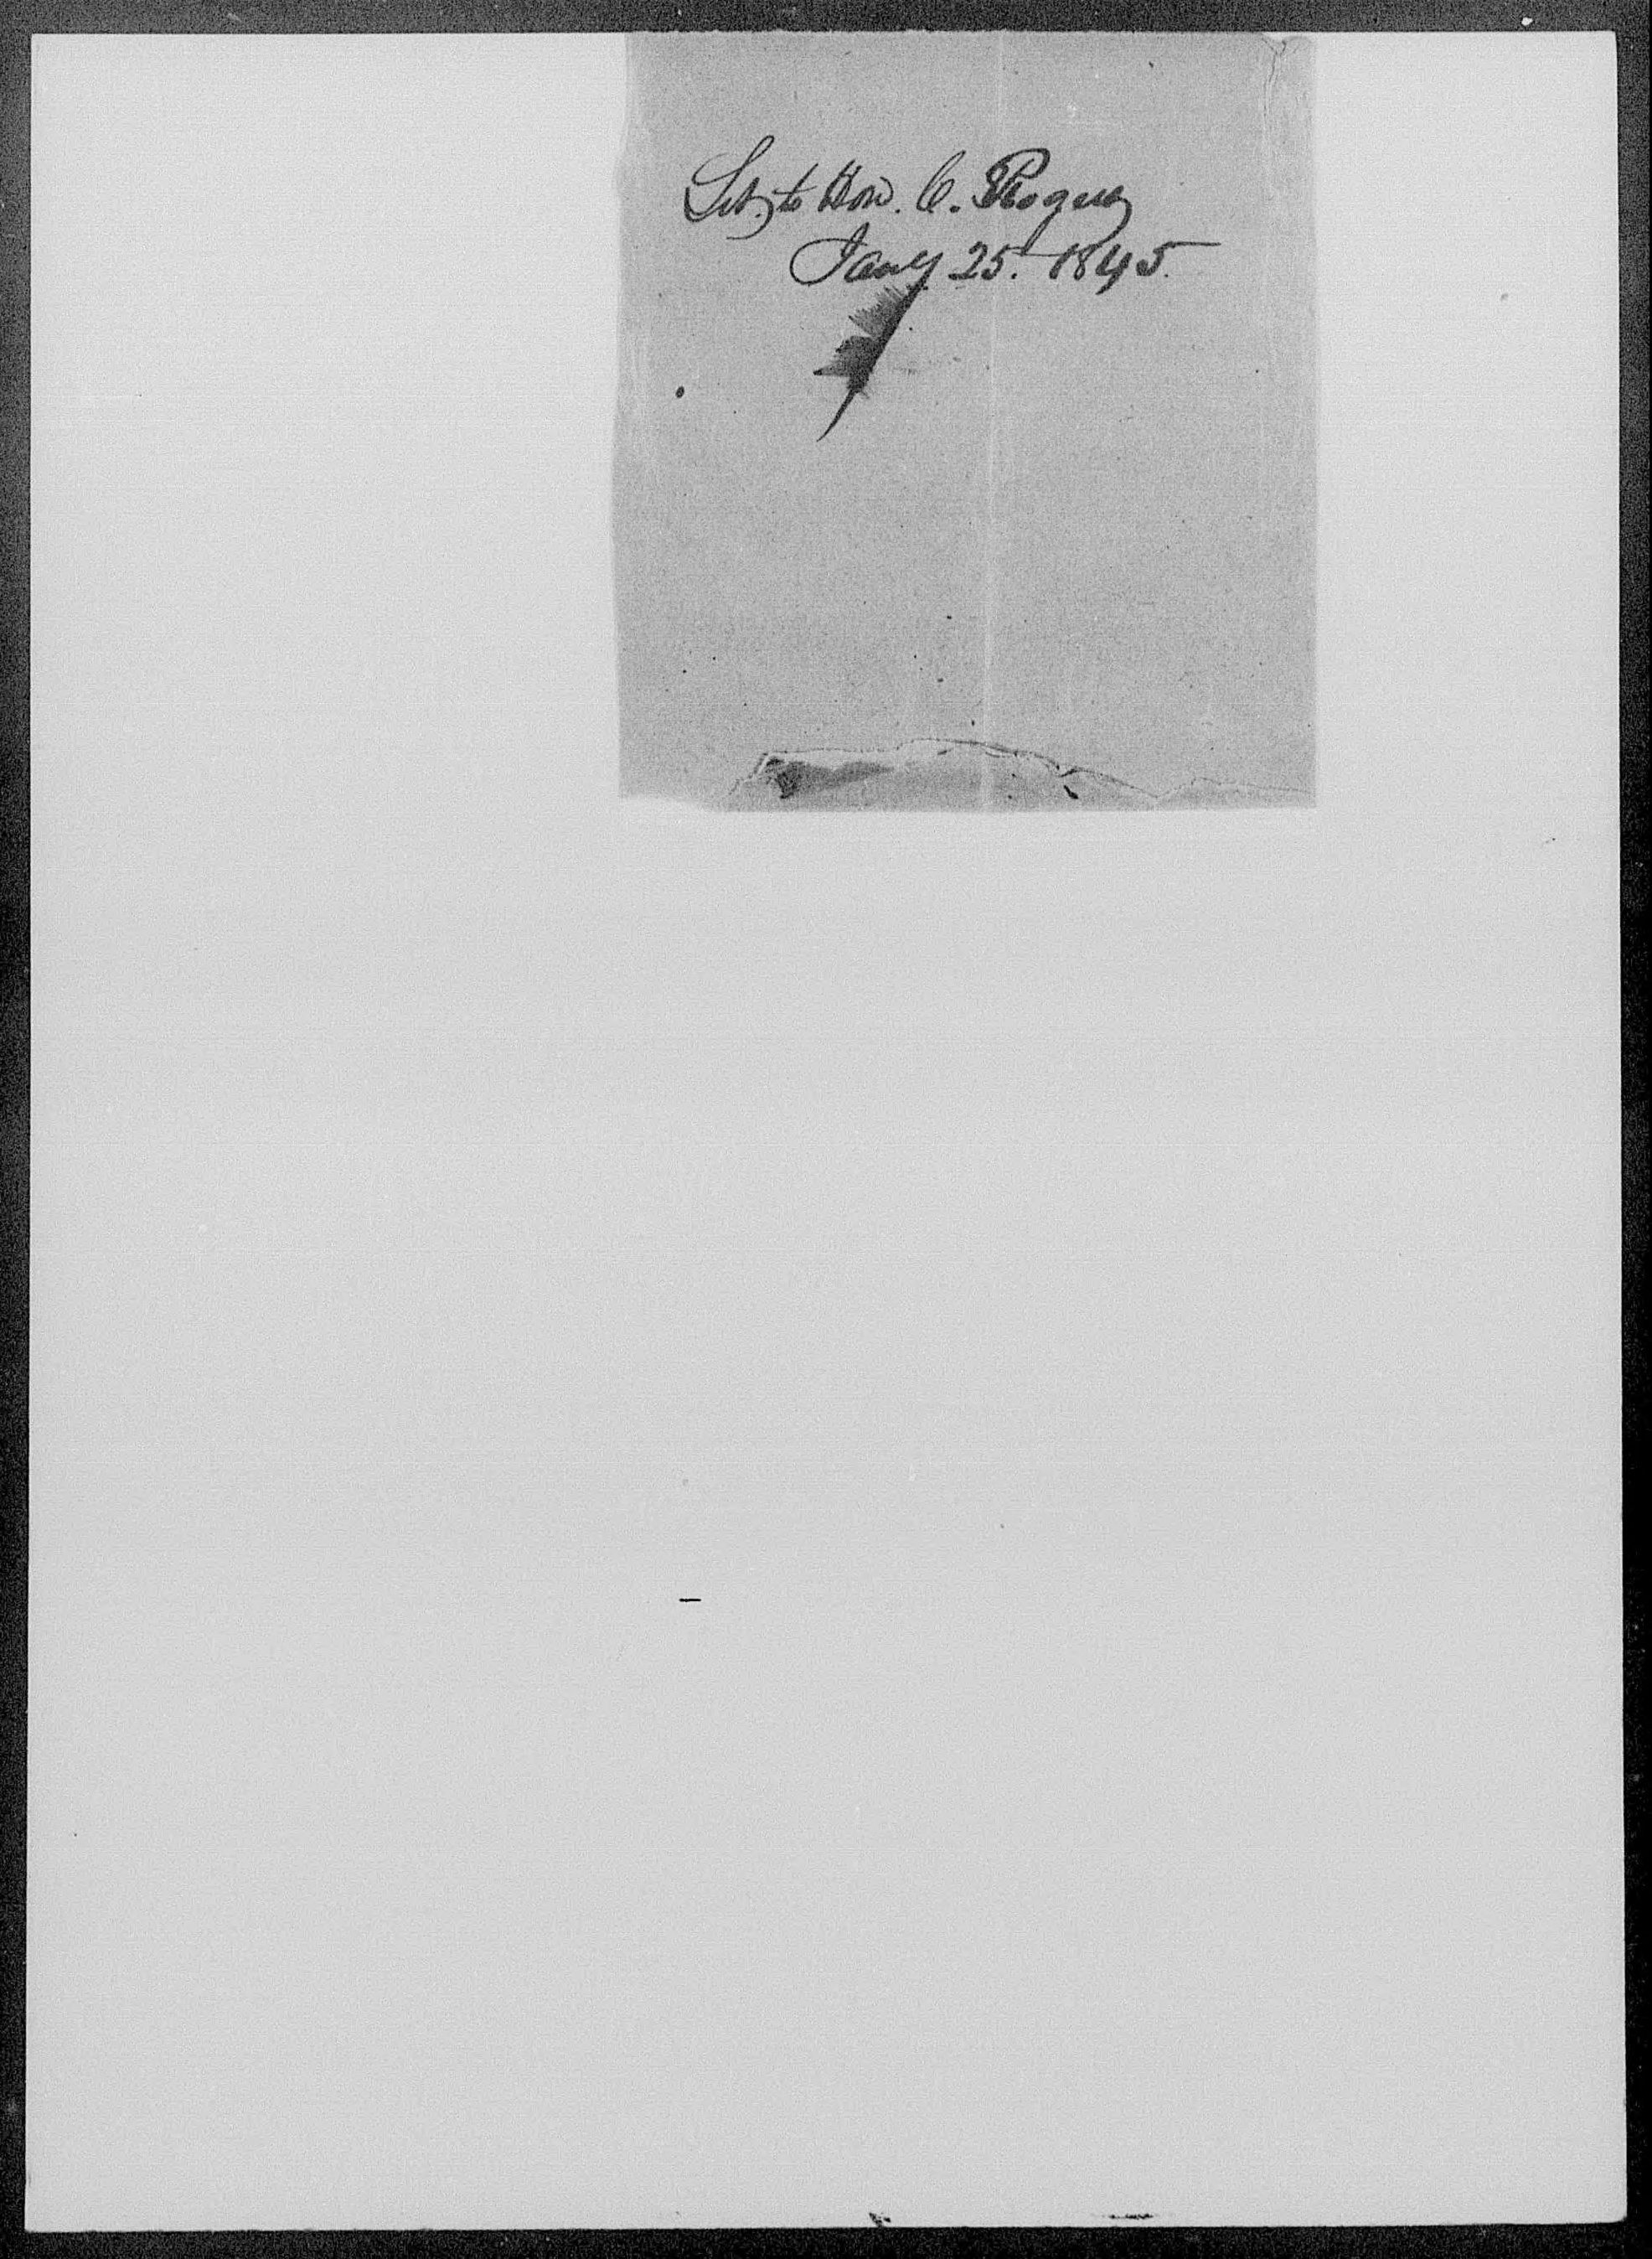Letter to Hon C. Rogers 
Jany 25, 1845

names: C Rogers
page: 26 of 51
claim: widow's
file: W. 1698, Oliver Barker, Conn.